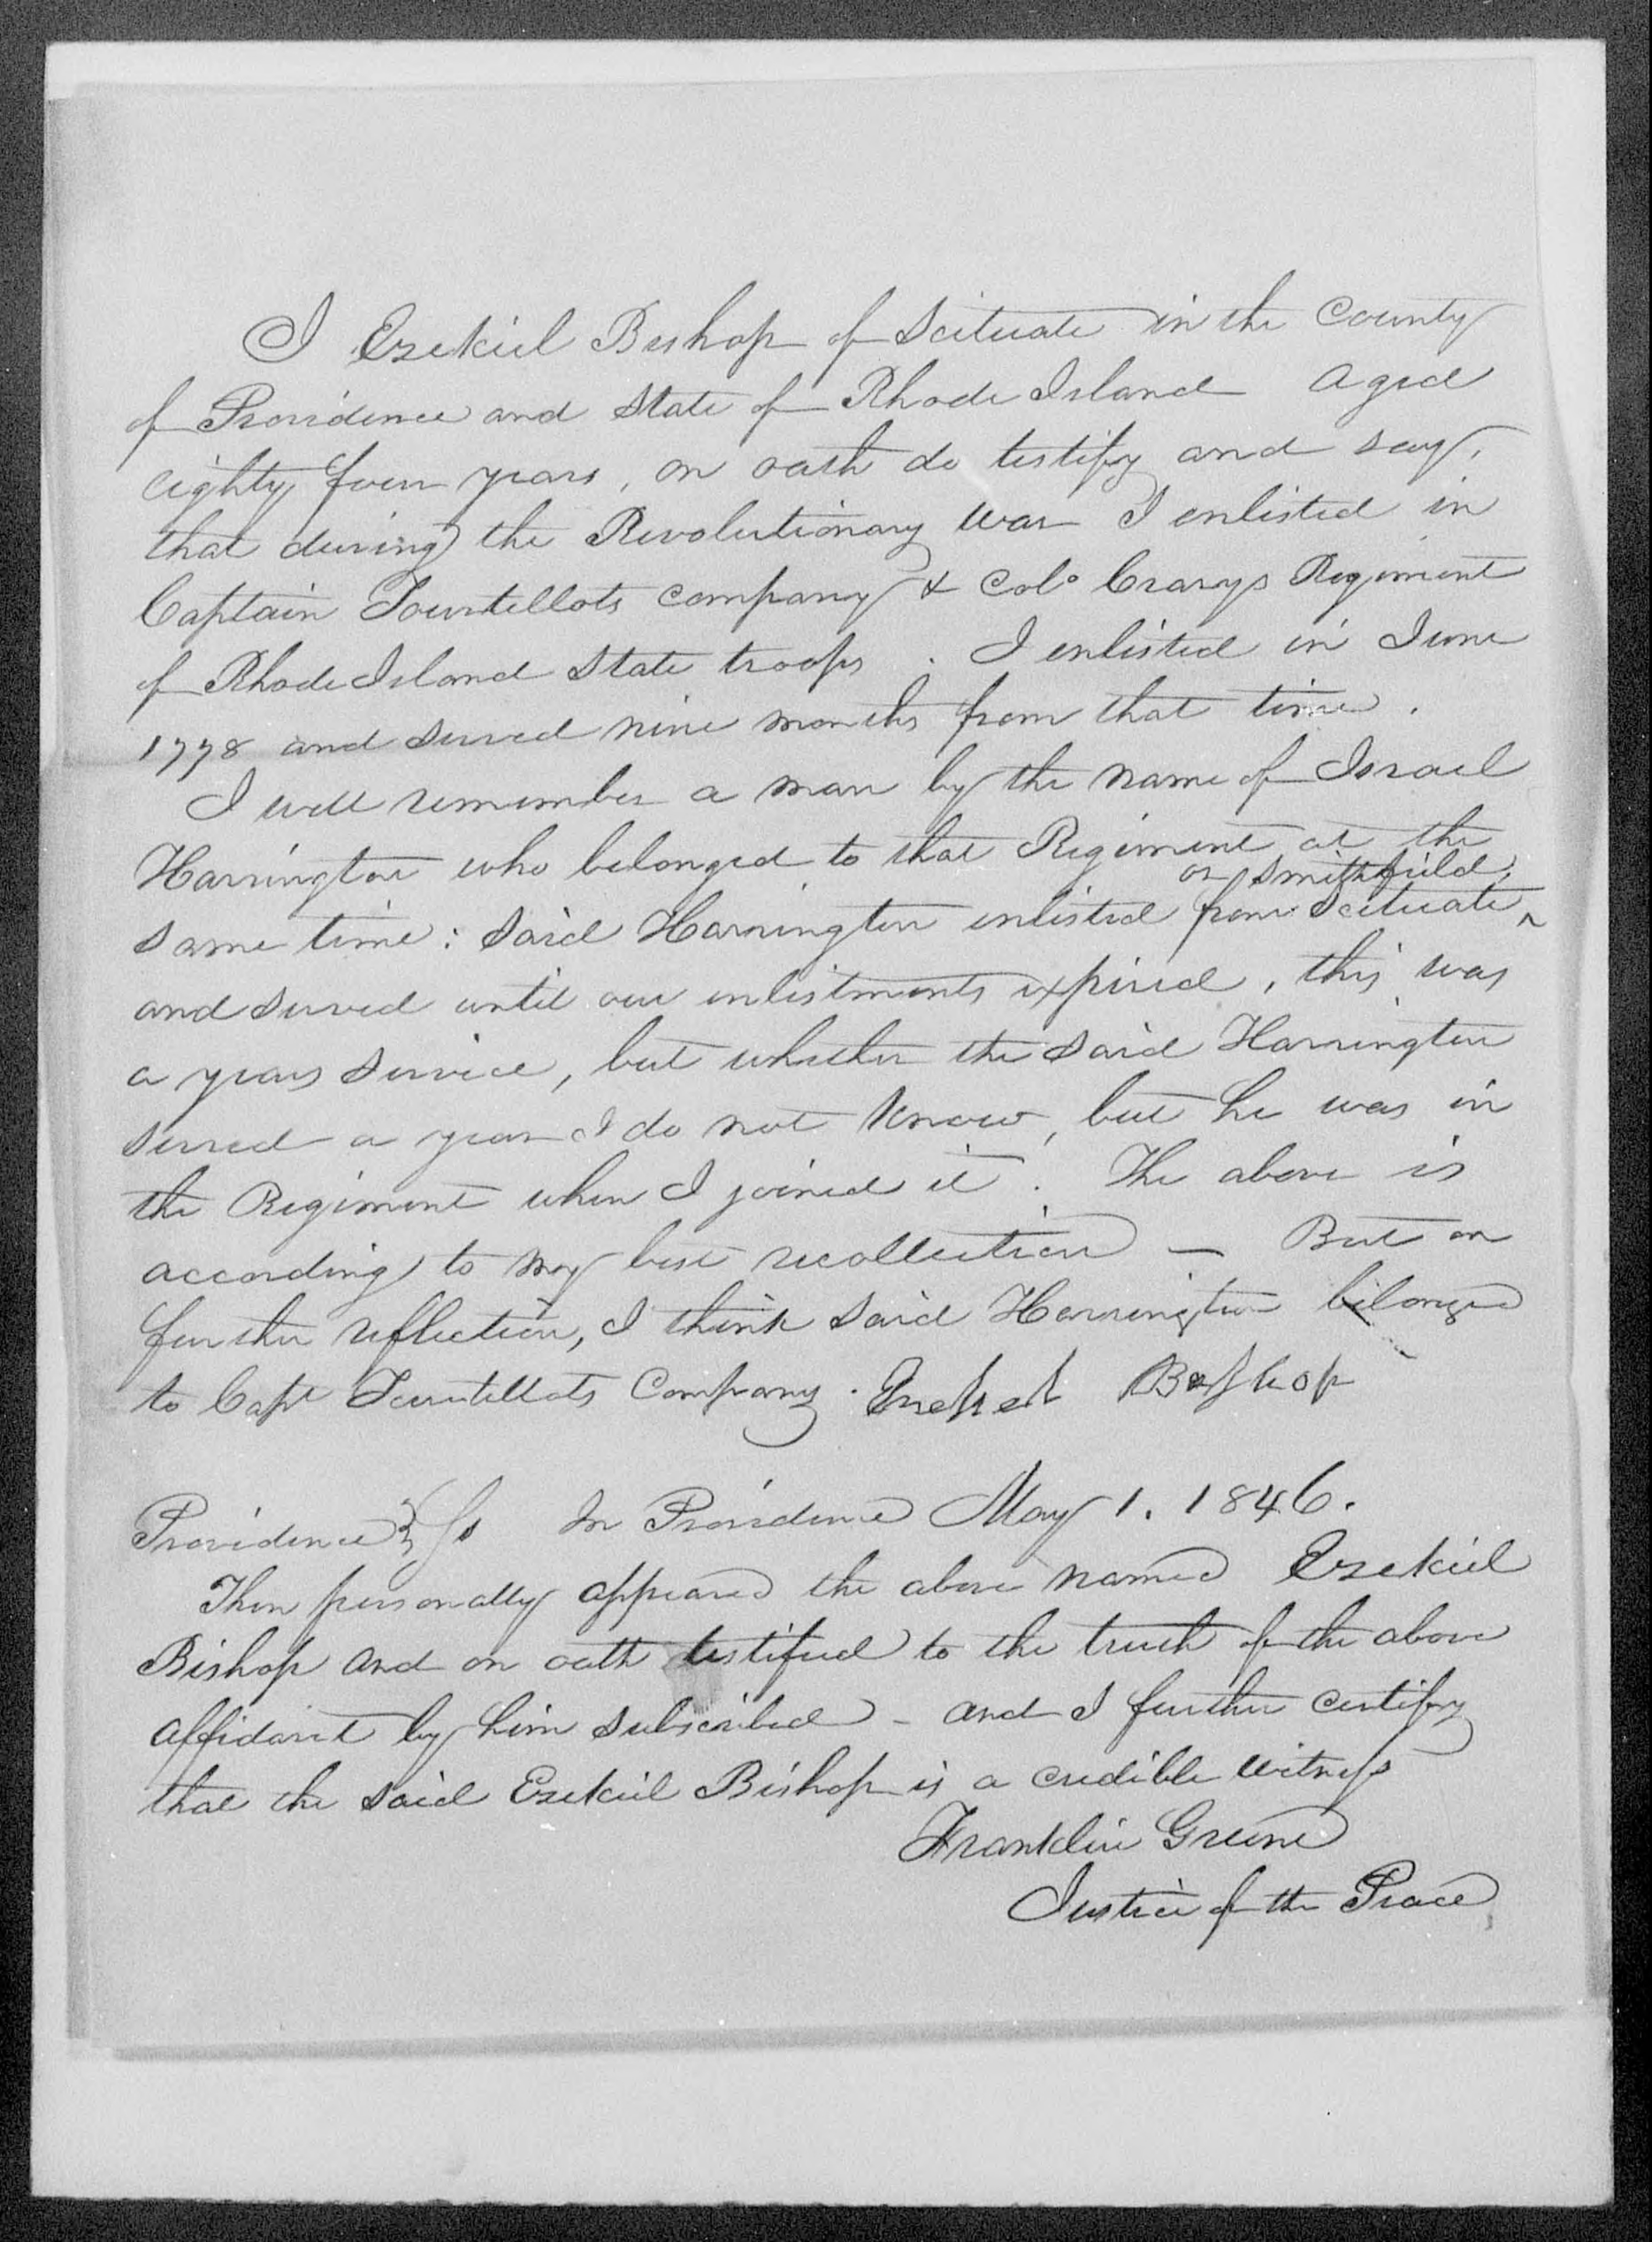I Ezekiel Beshop of Scituate in the County of Providence and State of Rhode Island aged eighty four years, on oath do testify and say, that during the Revolutionary War I enlisted in Captain Tourtillots [Tourtillot's] company & Col. Crarys [Crary's] Regiment of Rhode Island State troops. I enlisted in June 1778 and served nine months from that time.

I will remember a man by the name of Israel Harrington who belonged to that Regiment at the same time: said Harrington enlisted from Scituate or Smithfield and served until our enlistments expired, this was a years service, but whether the said Harrington served a year I do not know, but he was in the Regiment when I joined it. The above is according to my best recollection - But on further reflection, I think said Harrington belonged to Capt Tourtillots [Tourtillot's] Company.

Ezekiel Beshop


Providence Ss In Providence May 1, 1846.
Then personally appeared the above named Ezekiel Bishop and on oath testified to the truth of the above affidavit by him subscribed - and I further certify that the said Ezekiel Bishop is a credible witness

Franklin Greene
Justice of the Peace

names: Ezekiel Beshop, Israel Harrington, Harrington, Harrington, Ezekiel Bishop, Franklin Greene, Harrington, Ezekiel Beshop, Ezekiel Bishop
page: 34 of 51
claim: widow's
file: W. 19,026, Israel Harrington, R.I.